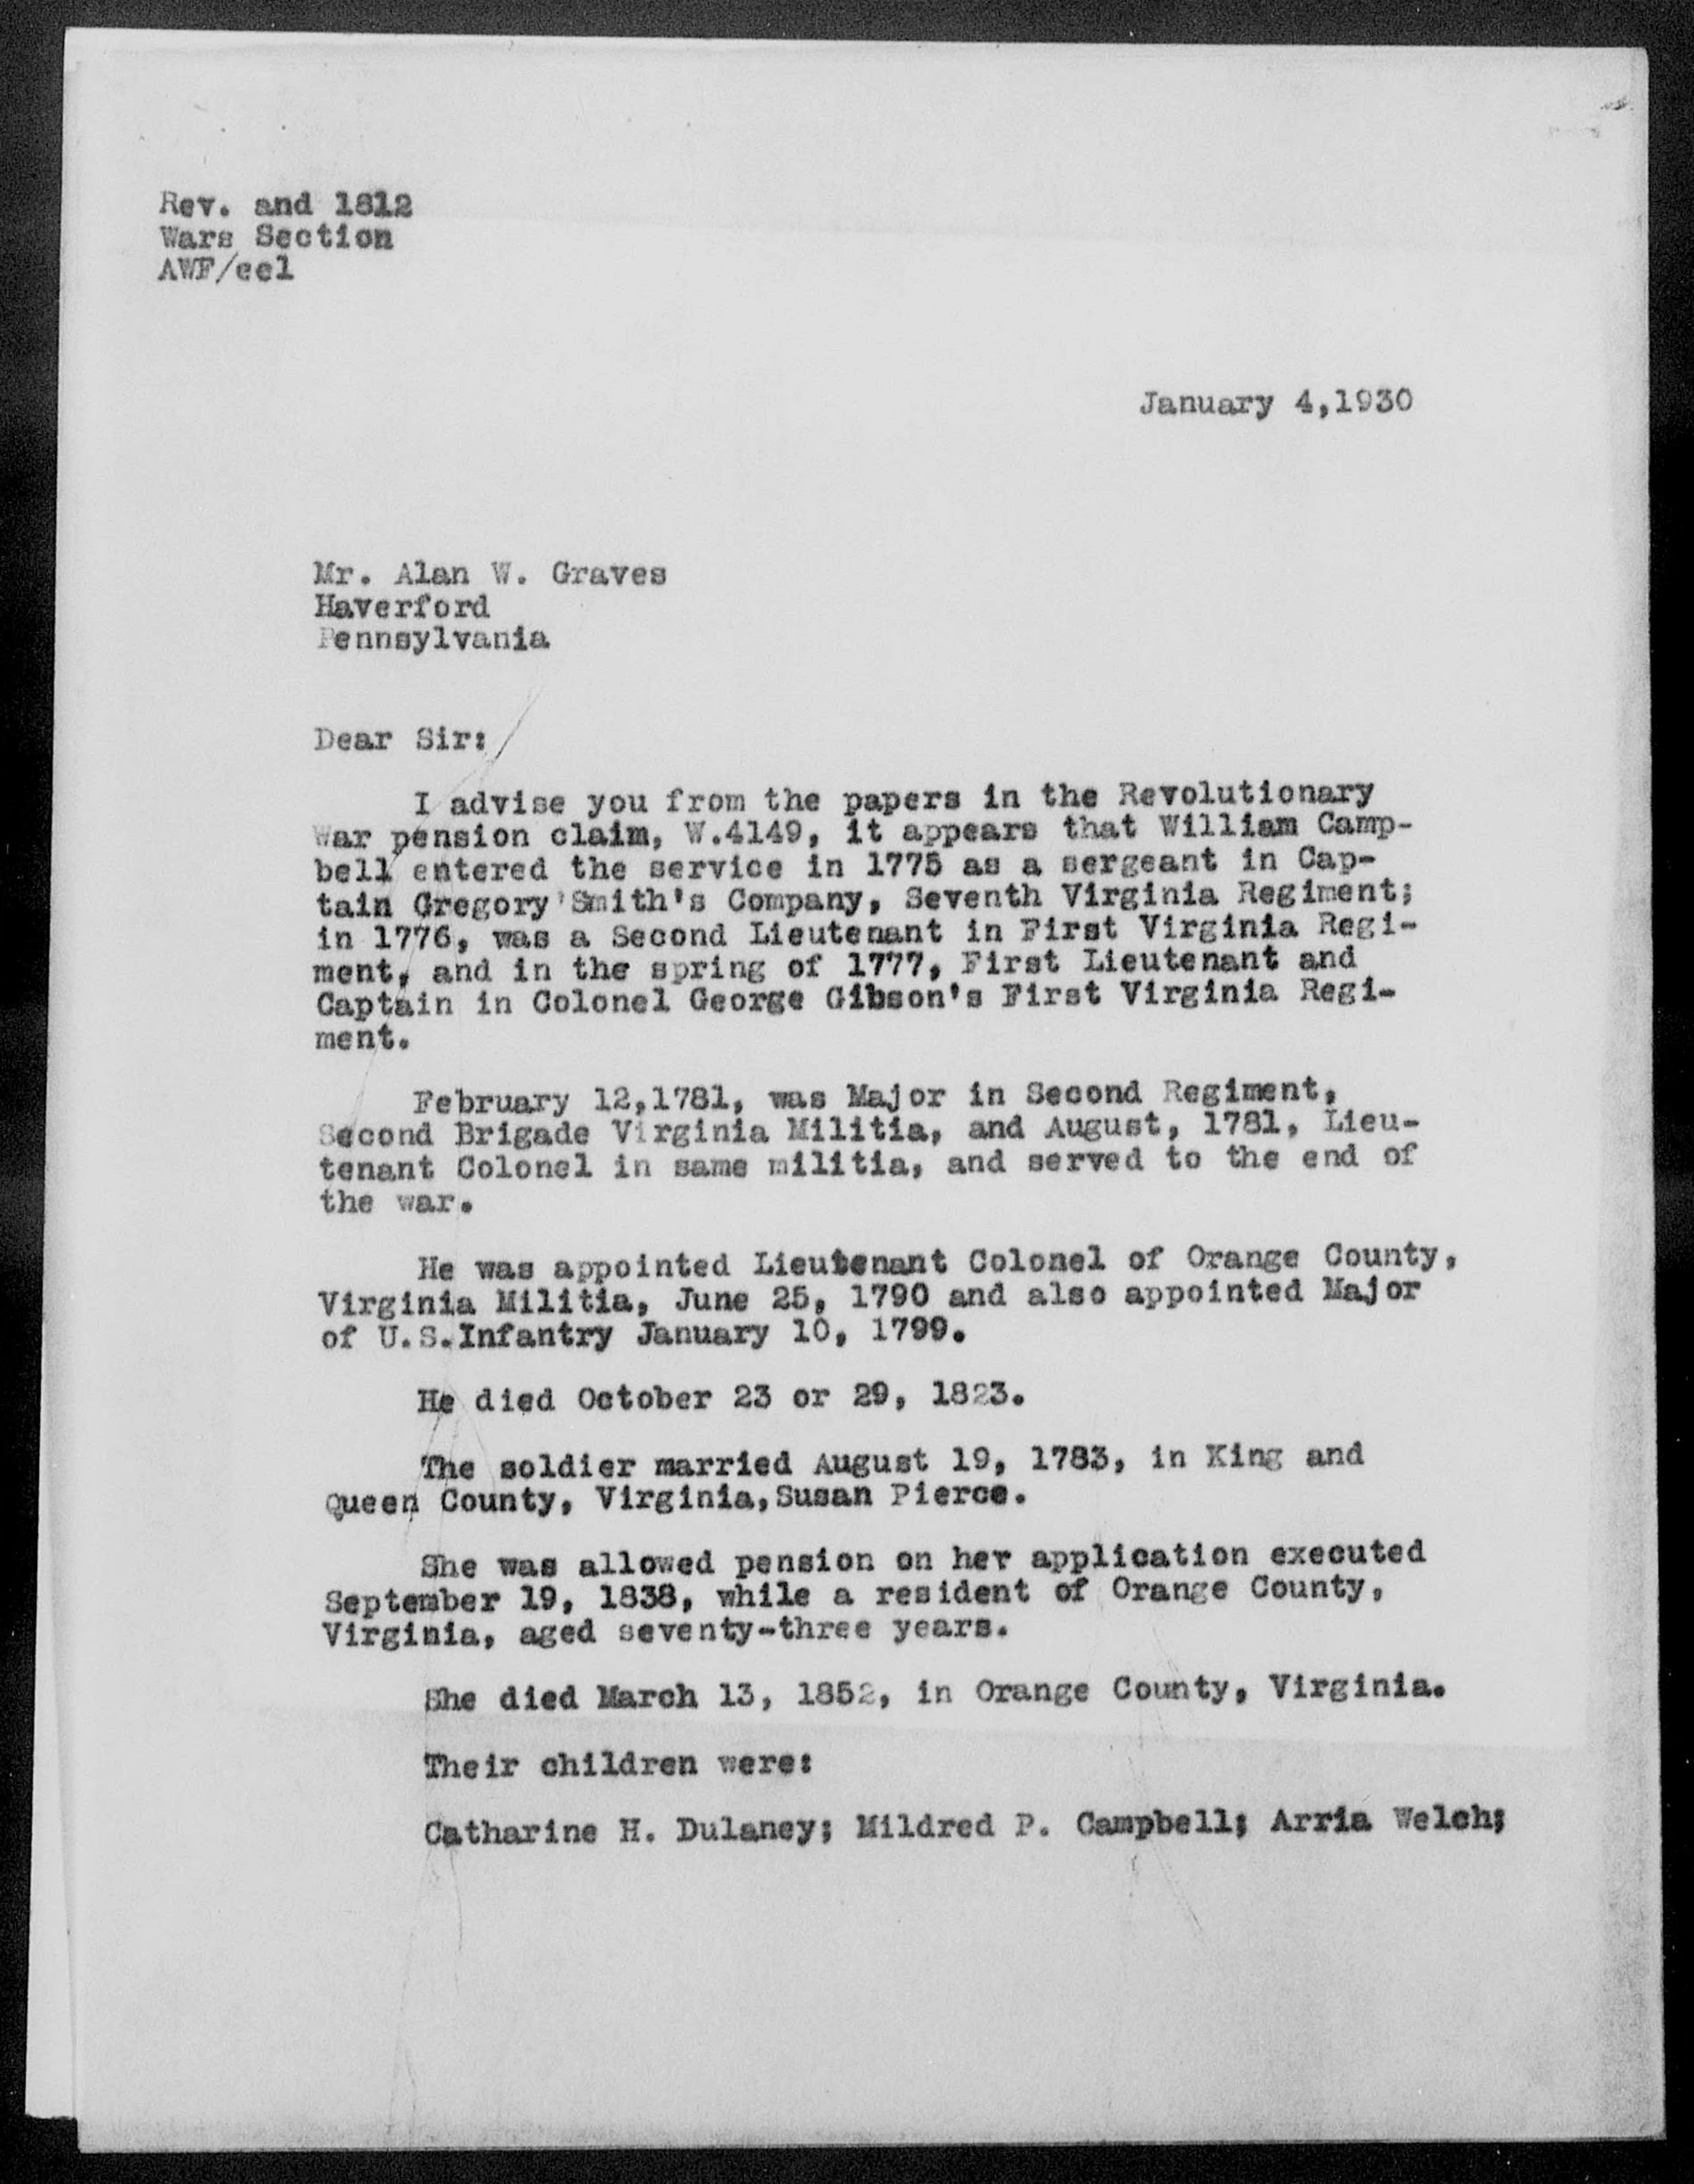Rev. and 1812
Wars Section
AWF/eel

January 4, 1930

Mr. Alan W. Graves
Haverford
Pennsylvania
Dear Sir:
I advise you from the papers in the Revolutionary War pension claim, W. 4149, it appears that William Campbell entered the service in 1775 as a sergeant in Captain Gregory Smith's Company, Seventh Virginia Regiment; in 1776, was a Second Lieutenant in First Virginia Regiment, and in the spring of 1777, First Lieutenant and
Captain in Colonel George Gibson's First Virginia Regiment.
February 12, 1781, was Major in Second Regiment, Second Brigade Virginia Militia, and August, 1781, Lieutenant Colonel in same militia, and served to the end of the war.
He was appointed Lieutenant Colonel of Orange County, Virginia Militia, June 25, 1790 and also appointed Major of U. S. Infantry January 10, 1799.
He died October 23 or 29, 1823.
The soldier married August 19, 1783, in King and Queen County, Virginia, Susan Pierce.
She was allowed pension on her application executed September 19, 1838, while a resident of Orange County, Virginia, aged seventy-three years.
She died March 13, 1852, in Orange County, Virginia.
Their children were:
Catharine H. Dulaney; Mildred P. Campbell; Arria Welch;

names: Alan W Graves, William Campbell, Arria Welch, Mildred P Campbell, Catharine H Dulaney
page: 261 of 267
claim: widow's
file: W. 4,149, William Campbell, Va.